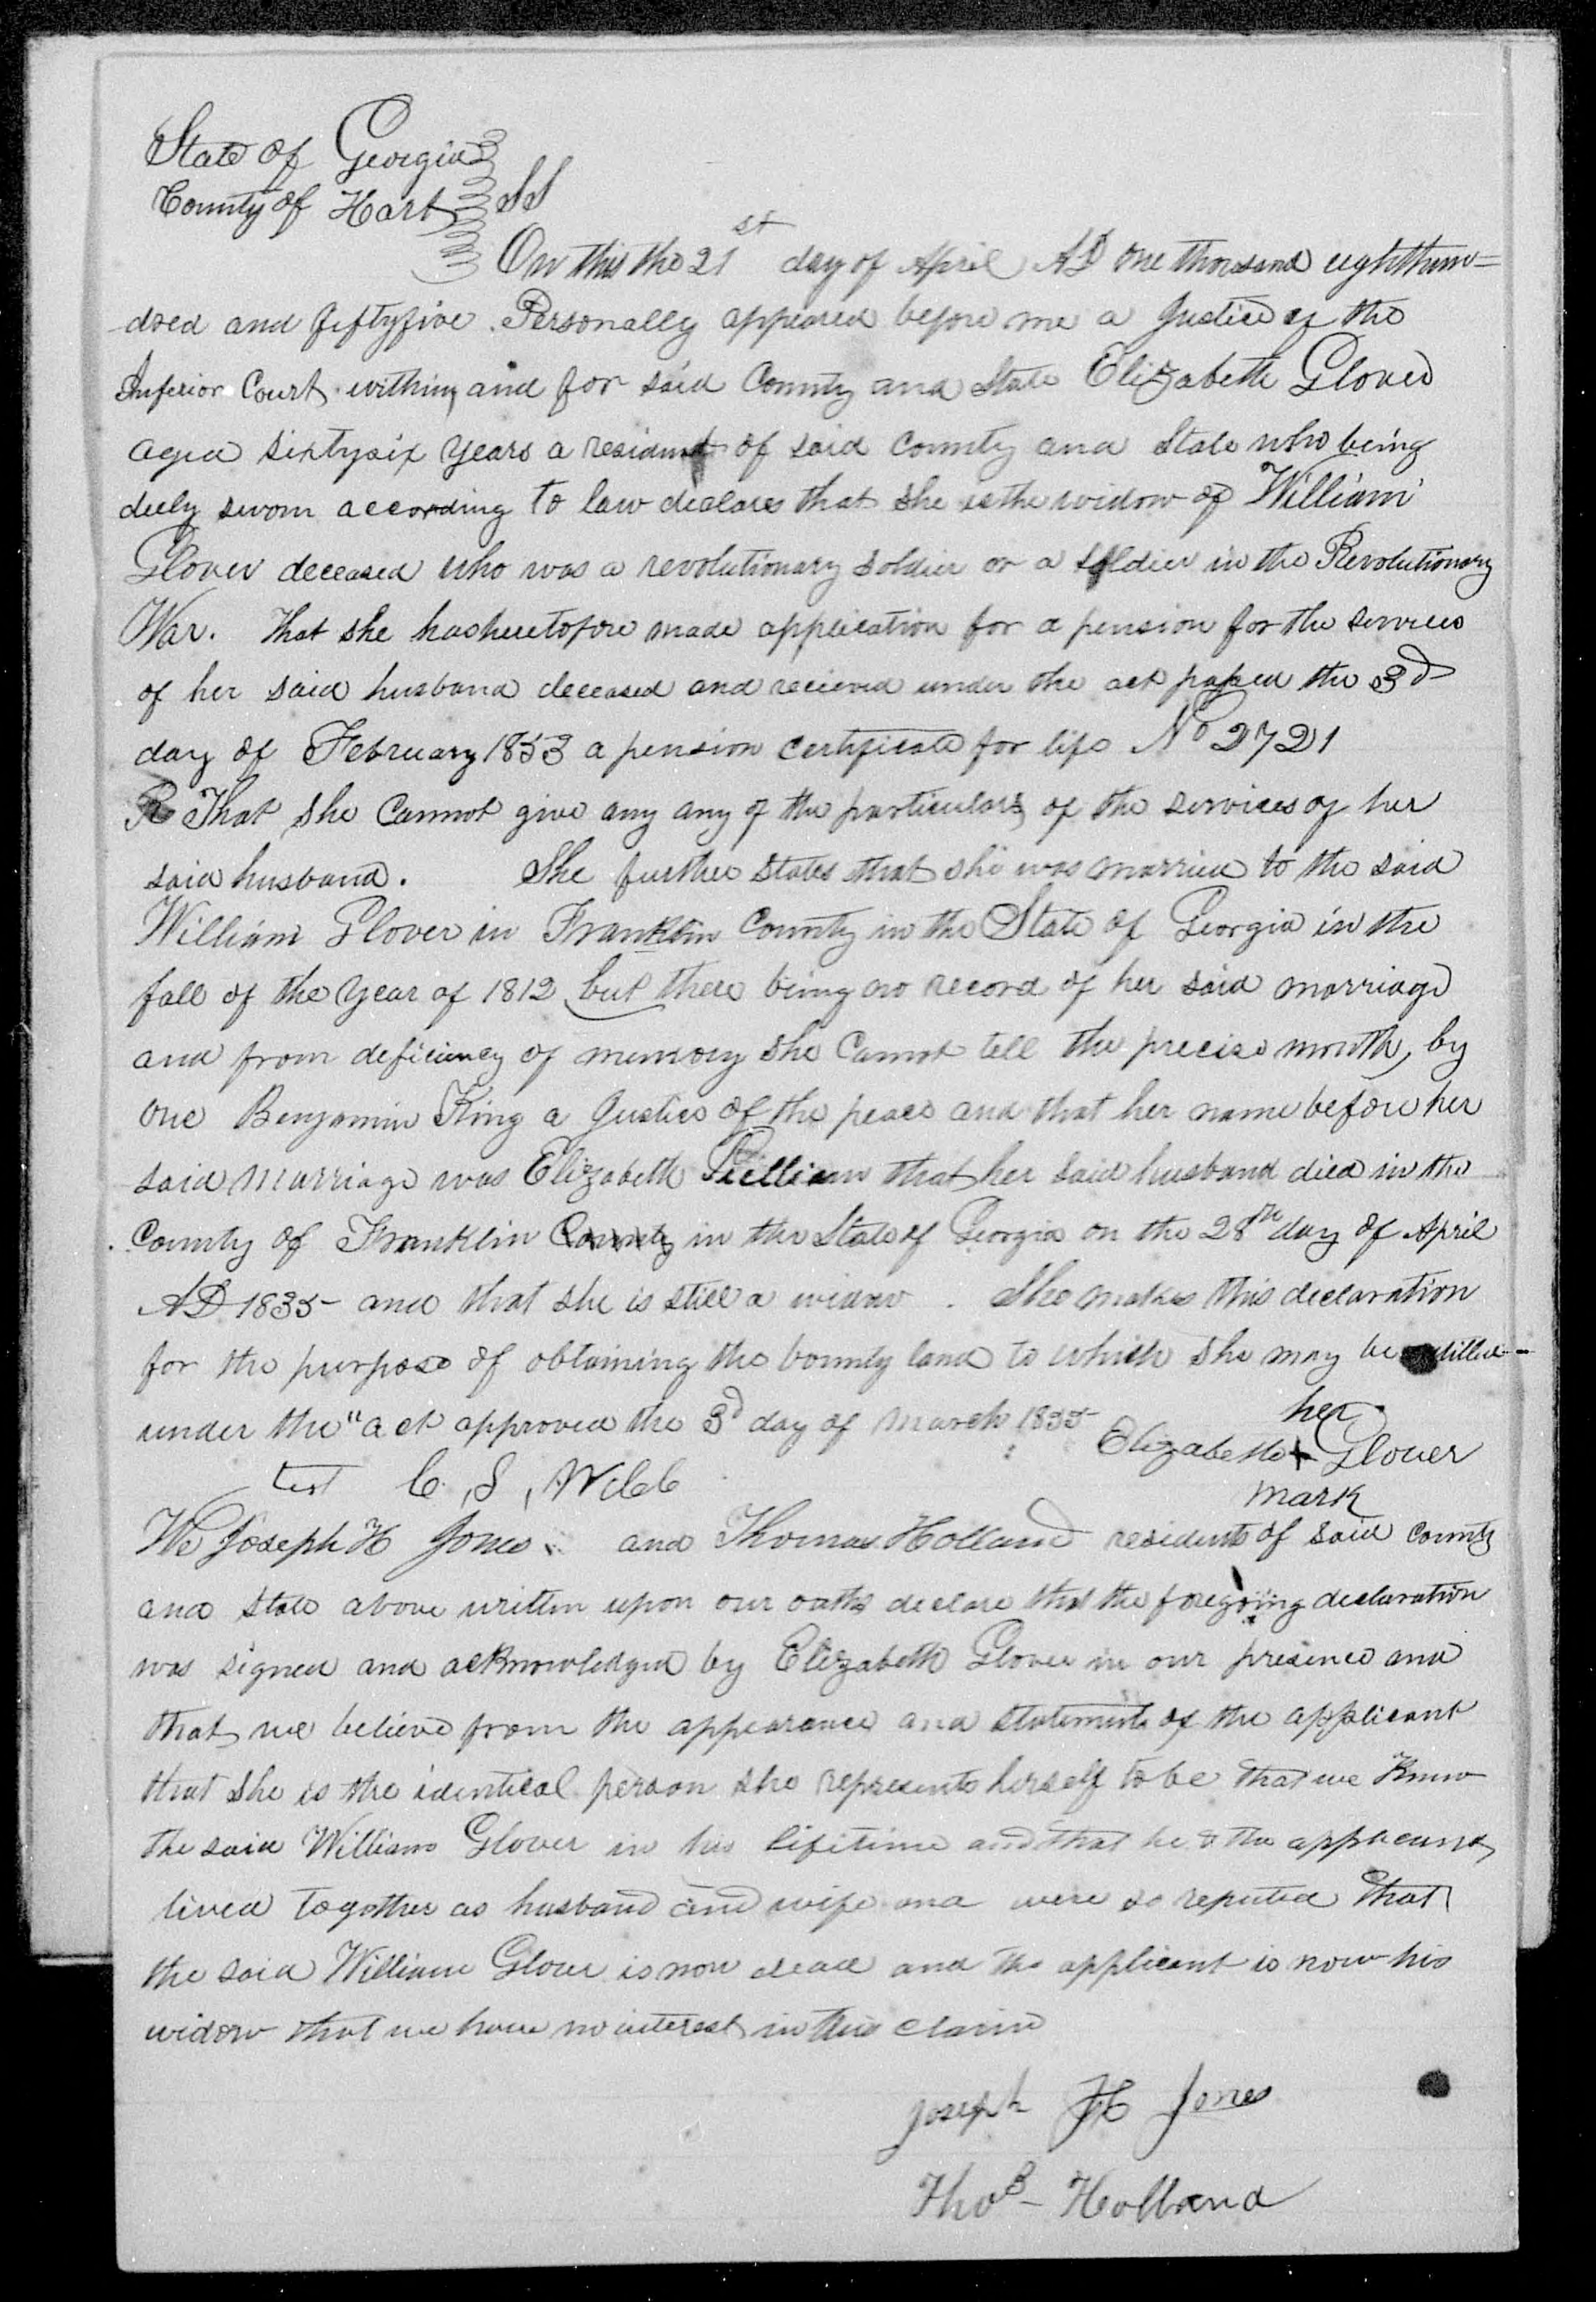State of Georgia}
County of Hart}SS

On this the 21st day of April AD one thousand eighthundred and fiftyfive. Personally appeared before me a Justice of the Inferior Court within and for said annuity and State Elizabeth Glover aged sixtysix years a resident of said community and State who being duly sworn according to law declares that she is the widow of William Glover deceased who was a revolutionary soldier or a soldier in the Revolutionary War. That she has heretofore made application for a pension for the services of her said husband deceased and received under the Act passed the 3d day of February 1853 a pension certificate for life. No 2721

That she cannot give any any of the particulars of the services of her said husband. She further states that she was married to the said William Glover in Franklin County in the State of Georgia in the fall of the year of 1812 but there being no record of her said marriage and from deficiency of memory she cannot tell the precise month, by one Benjamin King a Justices of the peace and that her name before her said marriage was Elizabeth Pulliam that her said husband died in the County of Franklin in the State of Georgia on the 28th day of April AD 1835 and that she is still a widow. She makes this declaration for the purpose of obtaining the bounty land to which she may be entitled under the "act approved the 3rd day of March 1855-        her 
Text. C.S. Webb                      Elizabeth ^Glover 
                                                    mark

We Joseph H Jones and Thomas Holland residents of said county and state above written upon our oaths declare that the foregoing declaration was signed and acknowledged by Elizabeth Glover in our presence and that we believe from the appearance and statements of the applicant that she is the identical person she represents herself to be that we know the said William Glover in his lifetime and that he & the applicant lived together as husband and wife and were so respected that the said William Glover is now dead and the applicant is now his widow that we have no interest in the claim

Joseph H Jones 
Thos Holland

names: Benjamin King, Elizabeth Glover, Thos Holland, Thomas Holland, Elizabeth Glover, William Glover, Elizabeth Pulliam, Joseph H Jones, William Glover, William Glover, Elizabeth Glover, C S Webb, Joseph H Jones, William Glover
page: 9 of 51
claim: widow's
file: W. 929, William Glover, N.C.